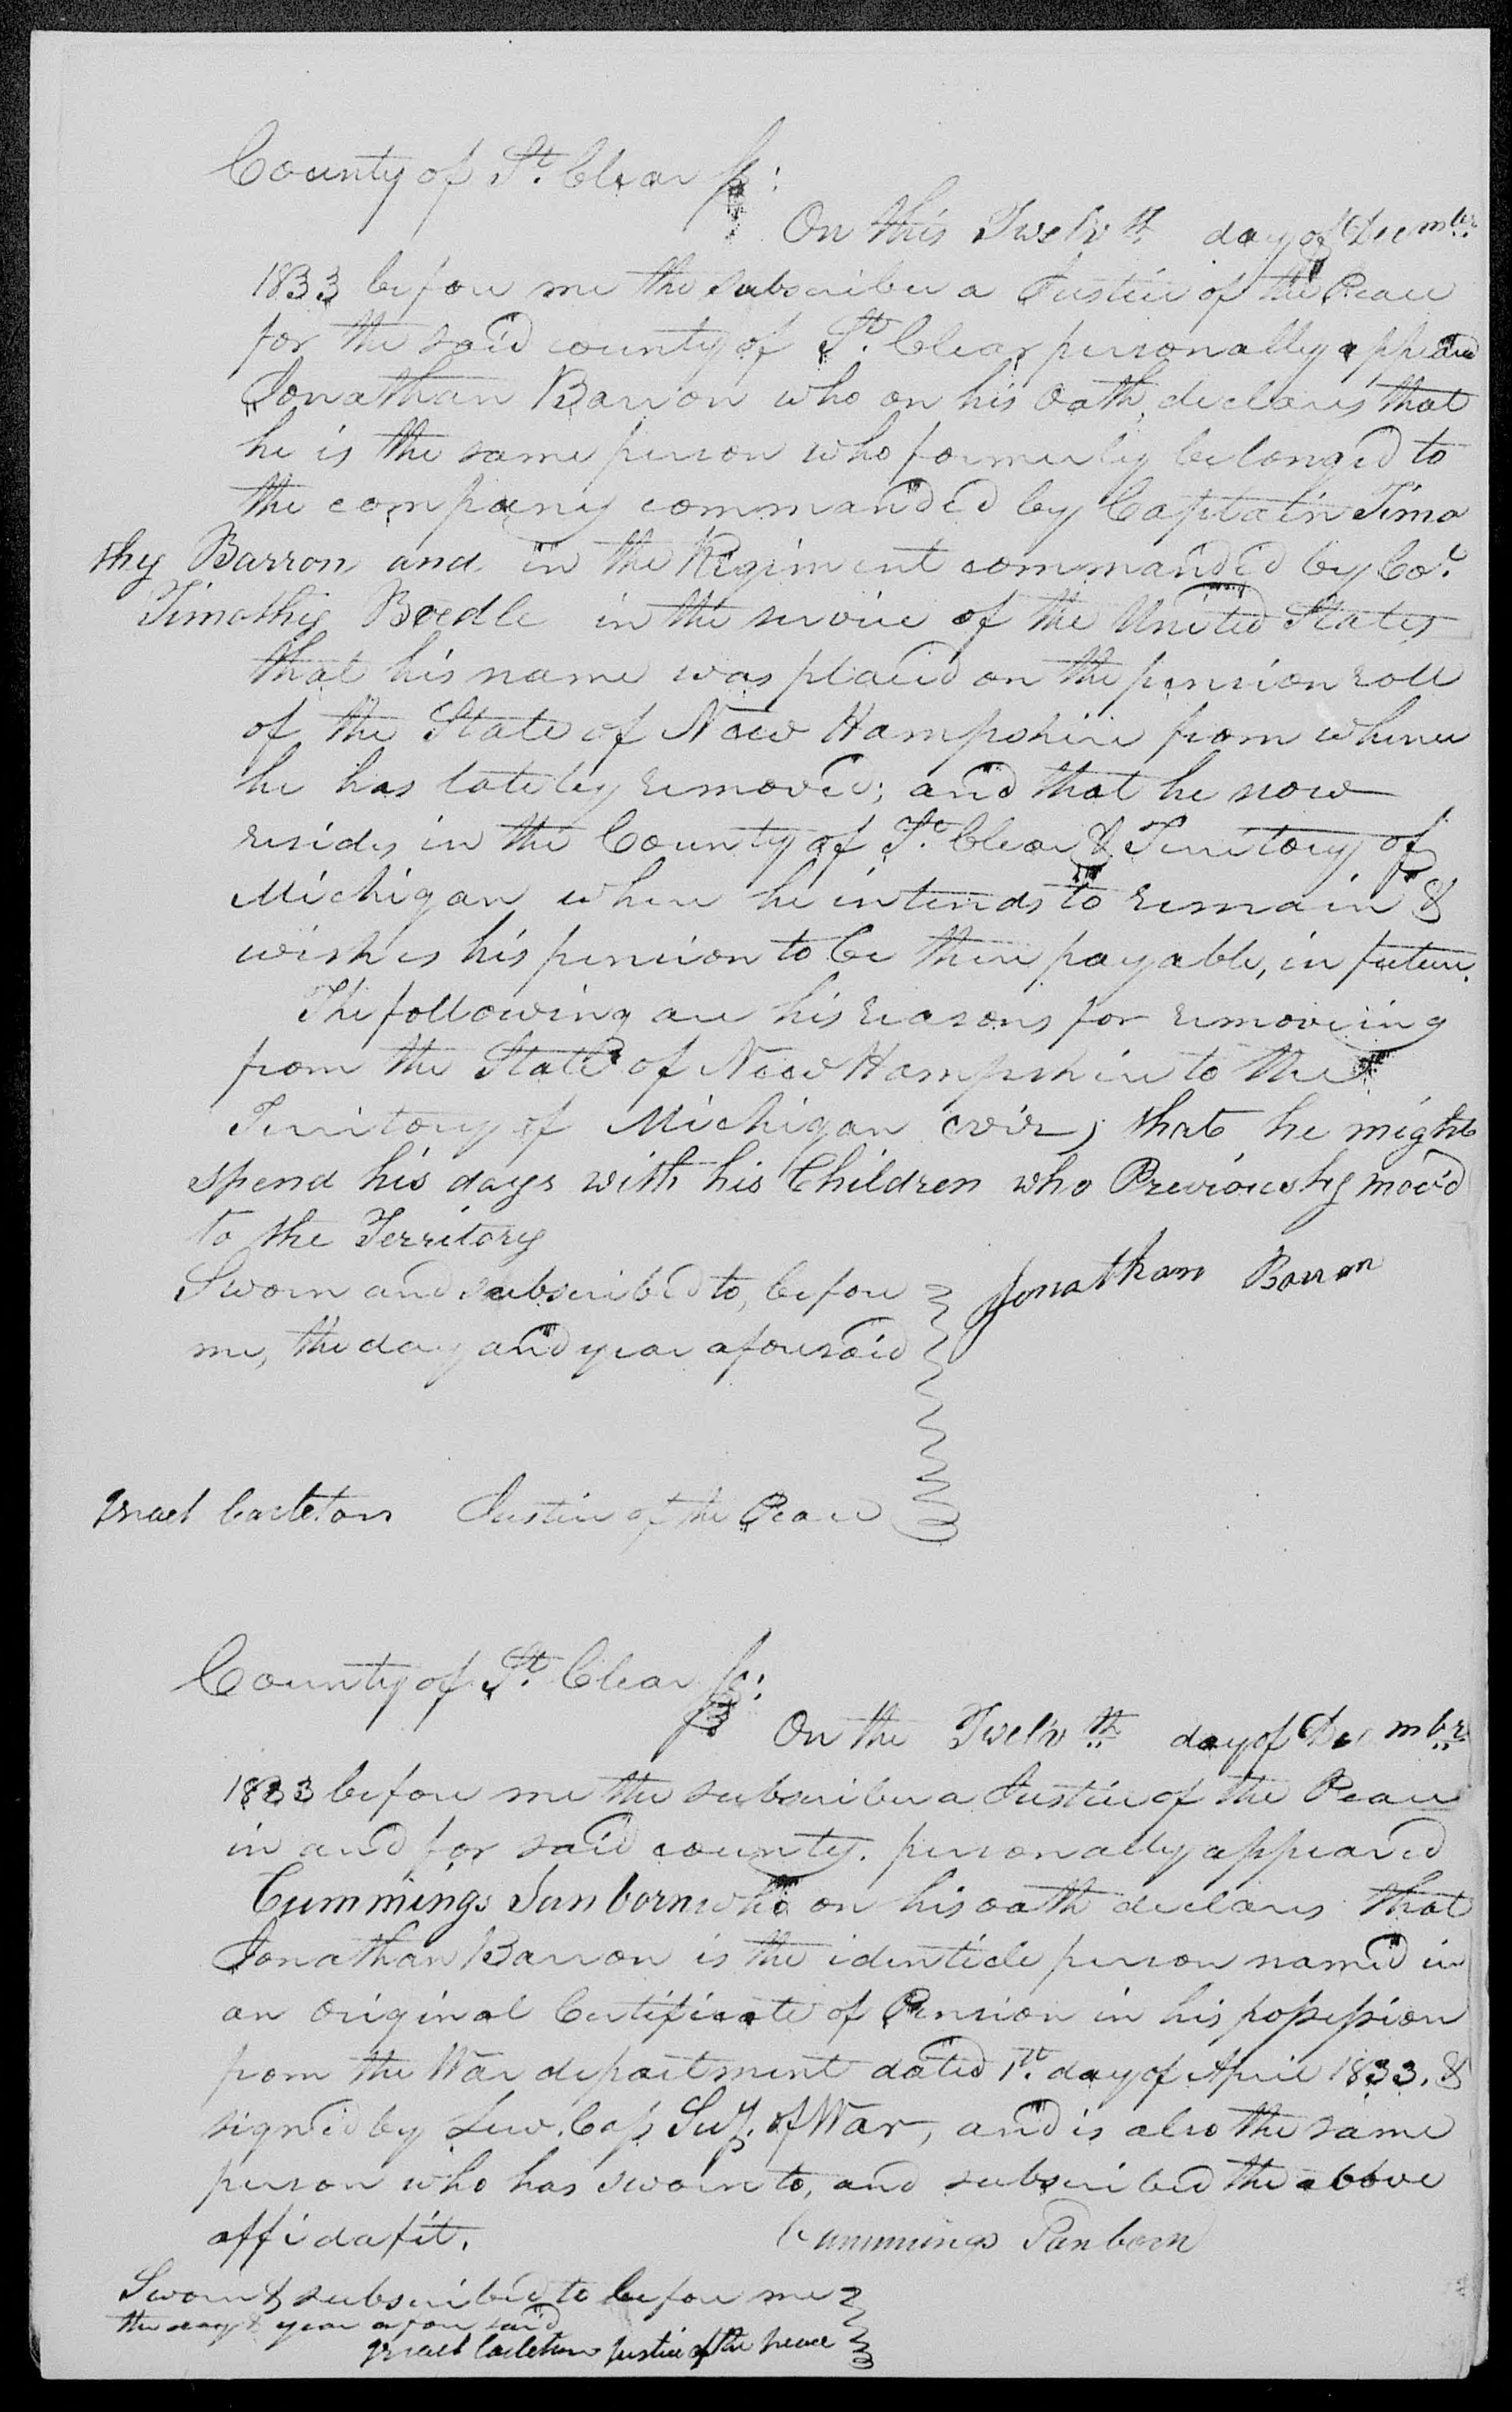County of St. Clear ss:
On this Twelvth day of December 1833 before me the subscriber a Justice of the Peace for the said county of St. Clear personally appeared Jonathan Barron who on his oath declares that he is the same person who formerly belonged to the company commanded by Captain Timothy Barron and in the Regiment commanded by Col Timothy Bedle in the service of the United States. That his name was plaid on the pension roll of the State of New Hampshire from whence he has lately removed; and that he now resides in the County of St. Clear & Territory of Michigan where he intends to remain & wishes his pension to be then payable, in future.
The following are his reasons for removing from the State of New Hampshire to the Territory of Michigan [illegible], that he might spend his days with his children who Previously moved to the Territory.
Sworn and subscribed to before me, the day and year afore said Israel Carleton Justice of the Peace}  Jonathan Barron [signed]

County of St. Clear ss:
On the Twelvth day of December 1833 before me the subscriber a Justice of the Peace in and for said county personally appeared Cummings Sanborn who on his oath declares that Jonathan Barron is the identicle [identical] person named in an original Certificate of Pension in his [illegible] from the War department dated 1st day of April 1833 & signed by Lew Cass Secy of War, and is also the same person who has sworn to, and subscribed the above affidavit. Cummins Sanborn [signed]
Sworn and subscribed to before me this day and year aforesaid
Israel Carleton Justice of the Peace}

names: Israel Carleton, Timothy Barron, Jonathan Barron, Jonathan Barron, Cummings Sanborn, Israel Carleton, Cummings Sanborn, Timothy Bredle, Jonathan Barron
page: 7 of 25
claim: survivor's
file: S. 28986, Jonathan Barron, N.H.